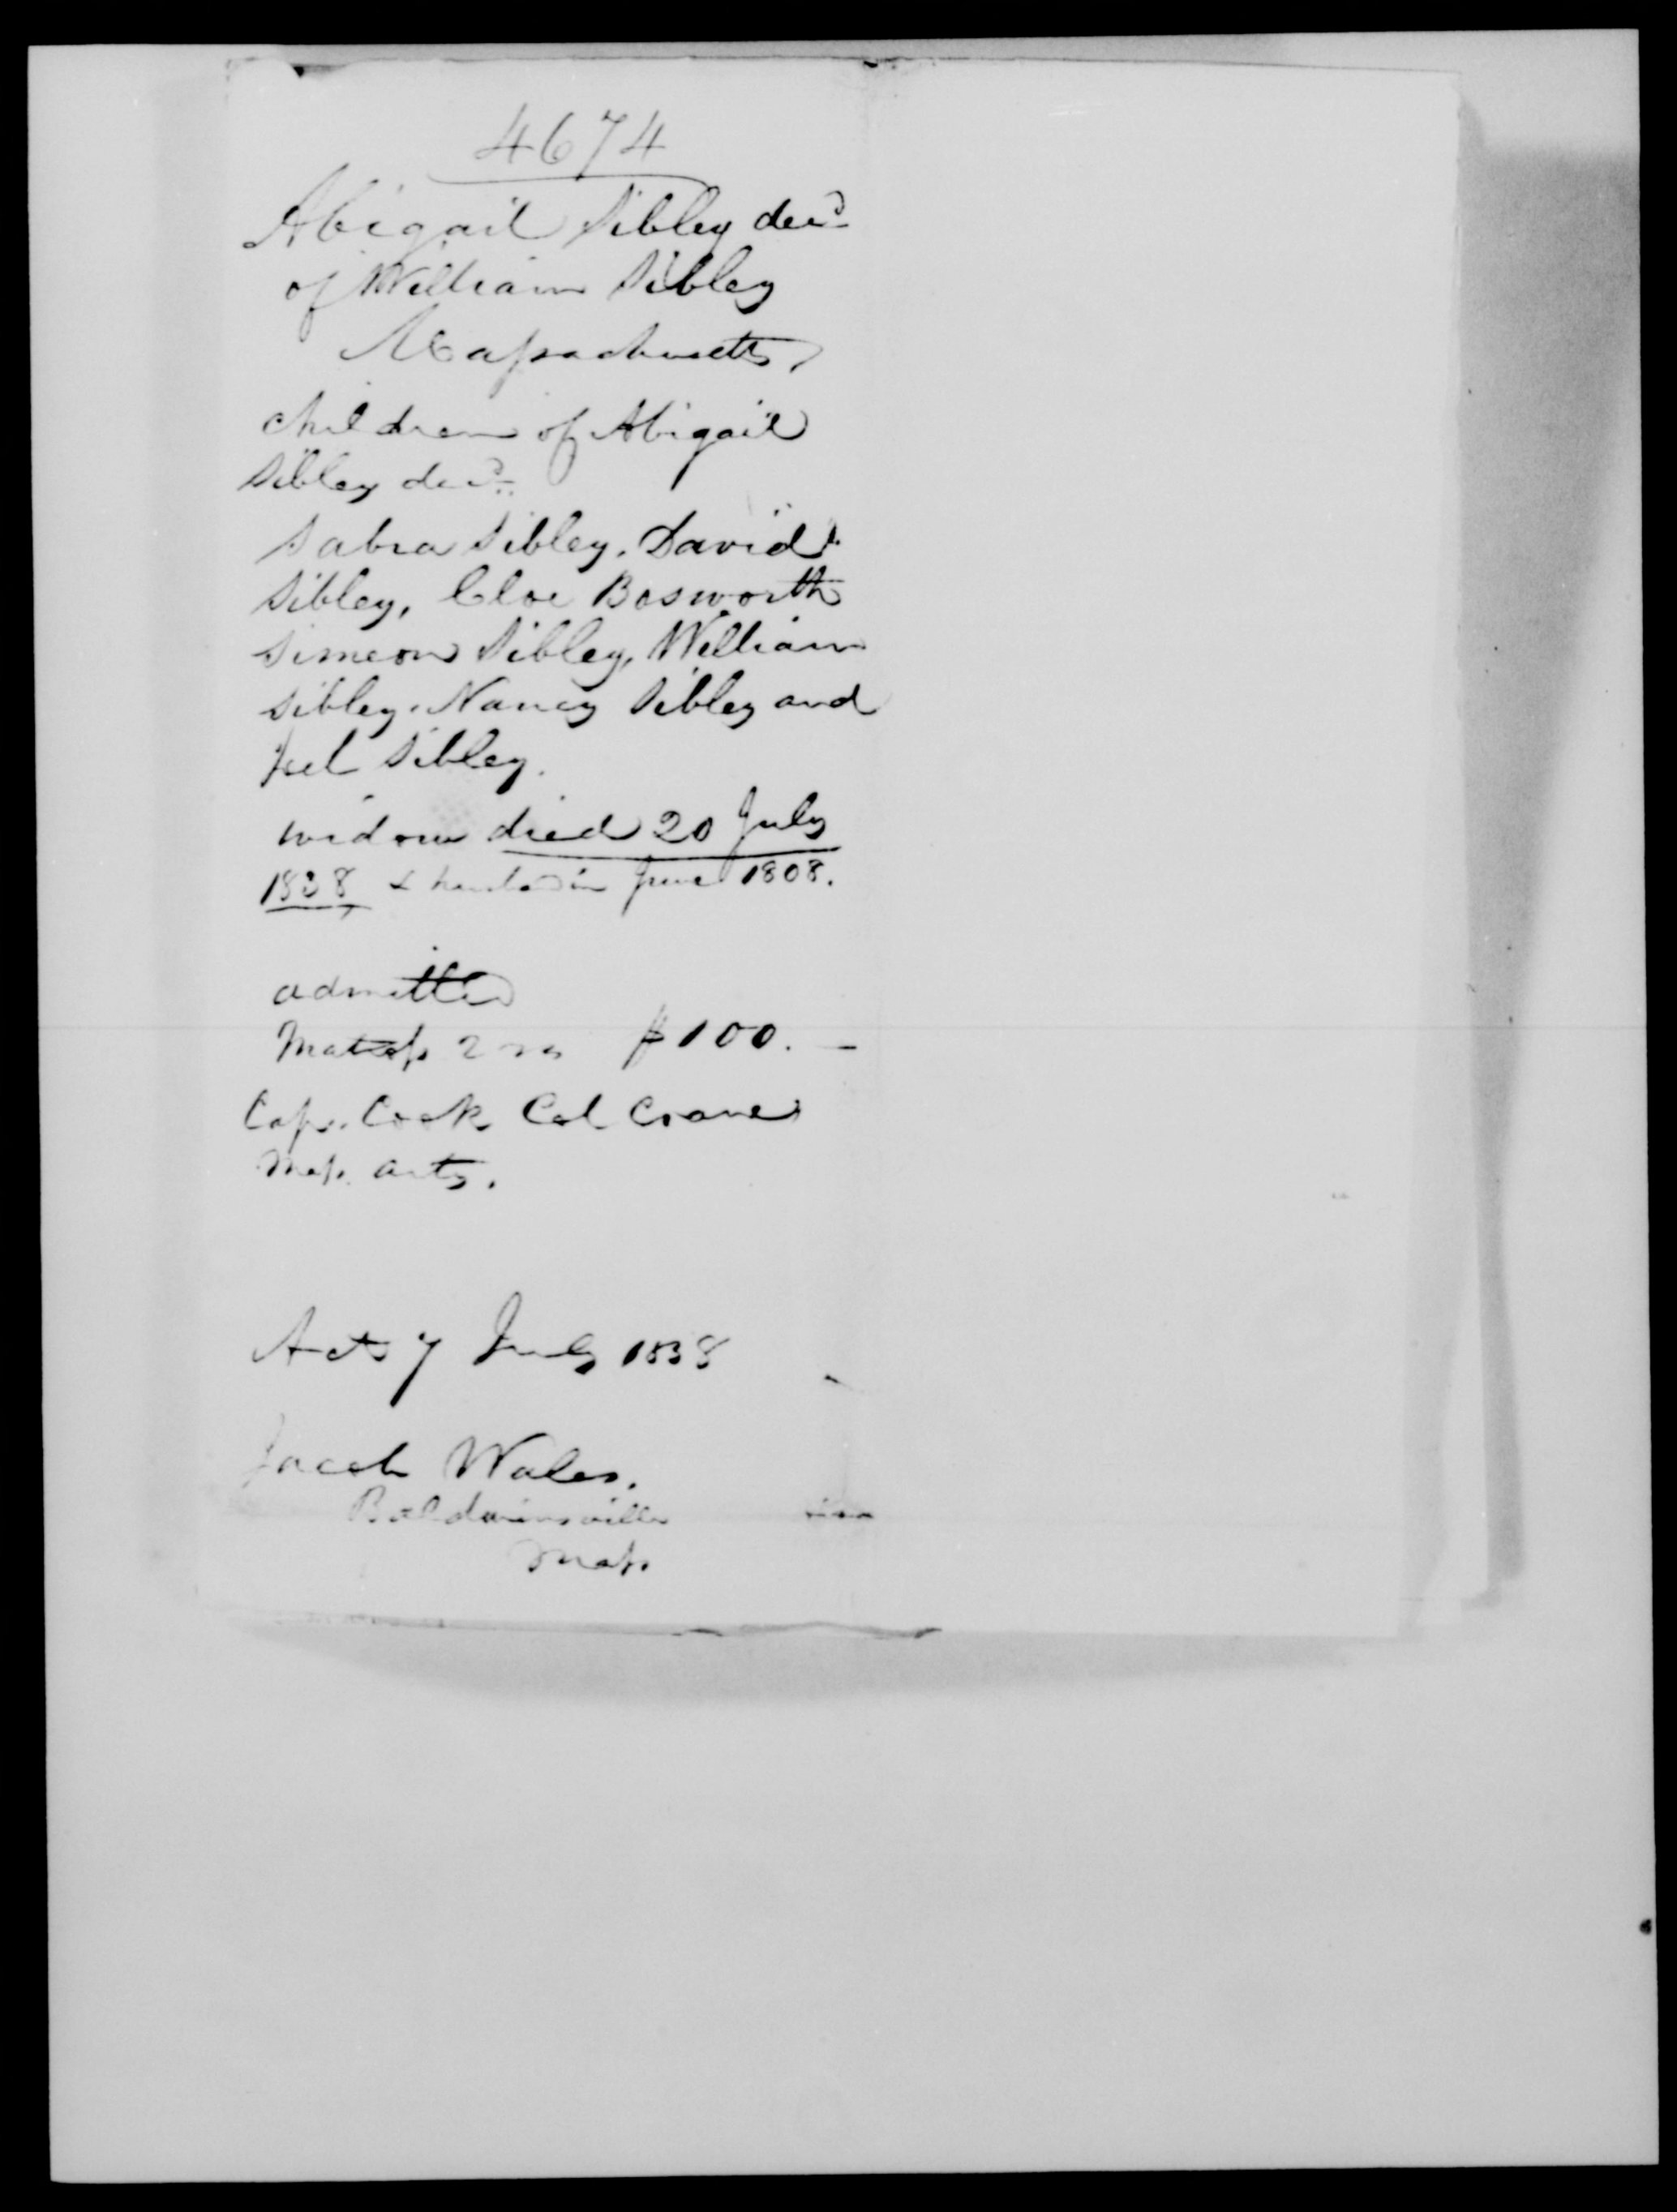4674
Abigail Sibley decd of William Sibley Massachusetts, children of Abigail Sibley decd Sabra Sibley, David Sibley, Cloe Bosworth, Simeon Sibley, William Sibley, Nancy Sibley and Joel Sibley.
widow died 20 July 1838 and husband in June 1808

admitted Matross 2 yrs $100 - Capt Cook, Col Crane Mass Arty

Act of July 1838
Jacob Wales Baldwinsville Mass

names: Abigail Sibley; Sabra Sibley; Simeon Sibley; Cloe Bosworth; David Sibley; William Sibley; Baldon Willes; Jacob Wales; Joel Sibley; Nancy Sibley; William Sibley; [BLANK] Cook; Abigail Sibley; [BLANK] Crane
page: 3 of 24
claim: widow's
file: W. 15,338, for William Sibley, Massachusetts